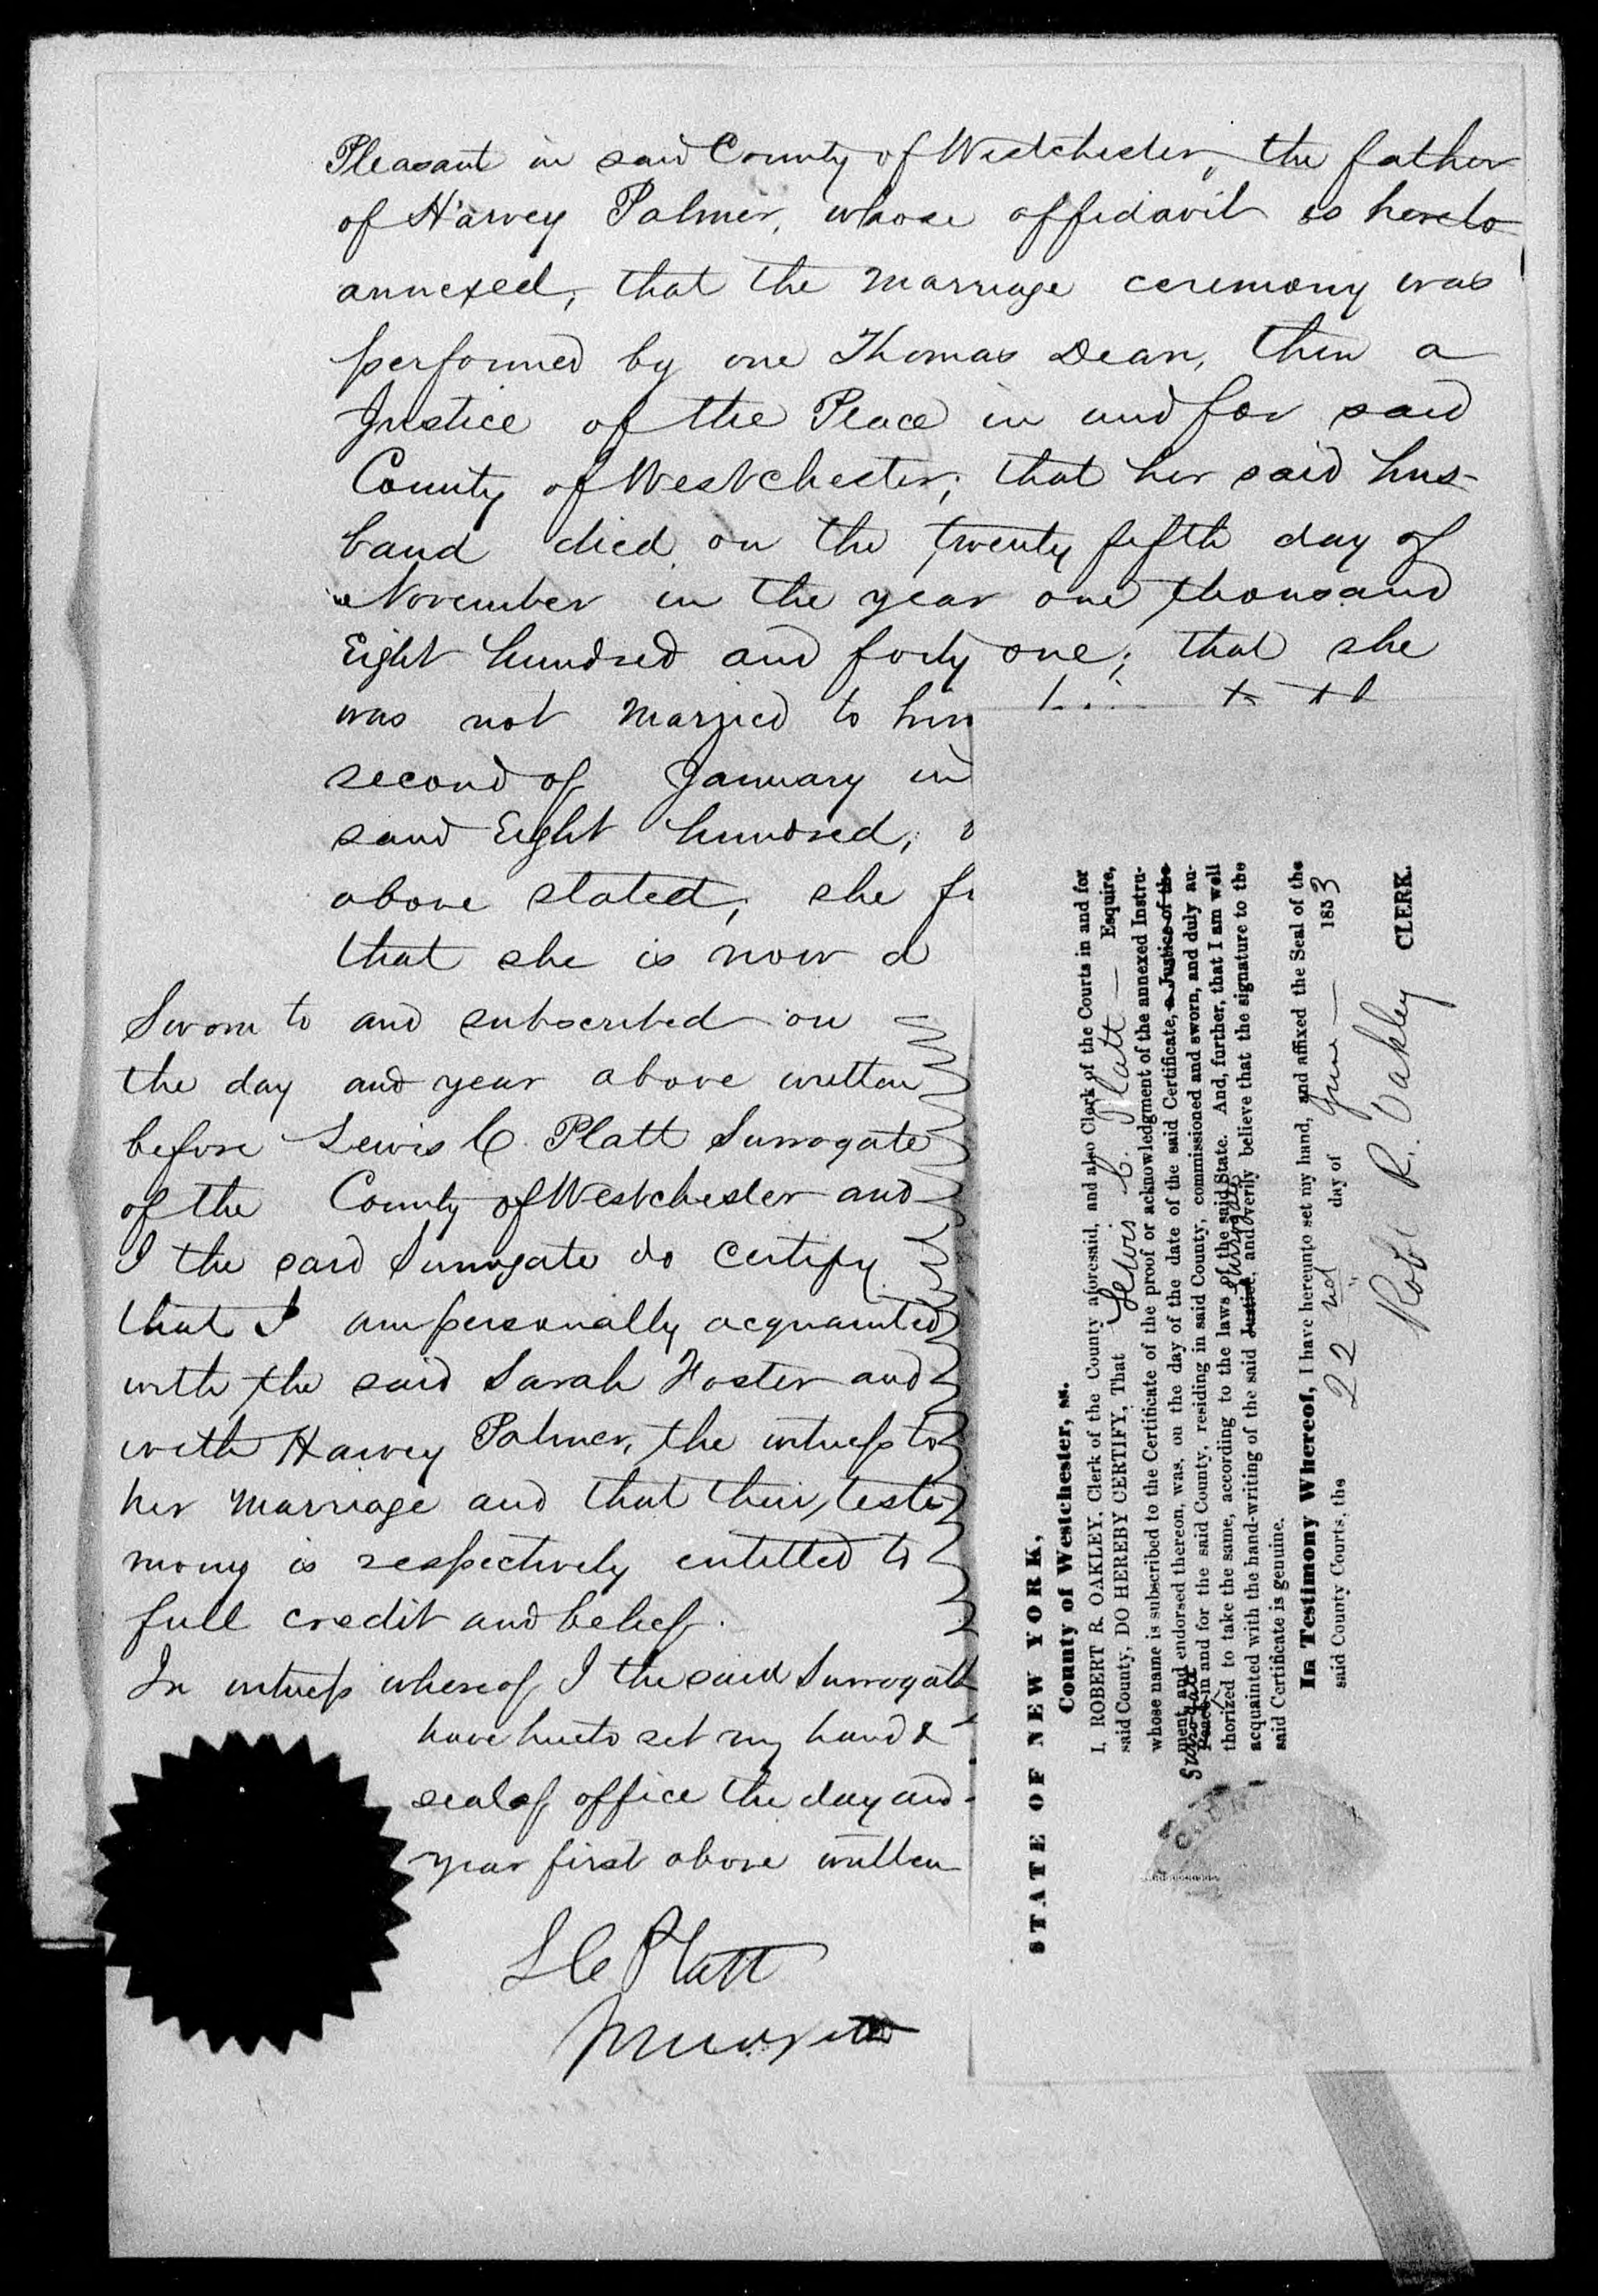Pleasant in said County of Westchester the father of Harvey Palmer, whose affidavit is hereto annexed, that the marriage ceremony was performed by one Thomas Dean, then a Justice of the Peace in and for said County of Westchester, that her said husband died on the twenty fifth day of November in the year one thousand Eight hundred and forty one, that she was not married to him 
second of January 
sand Eight hundred, 
above stated, she 
that she is now a 
Sworn to and subscribed on 
the day and year above written 
before Lewis C. Platt Surrogate 
of the County of West Chester and 
I the said Surrogate to certify 
that I am personally acquainted 
with the said Sarah Foster and 
with Harvey Palmer, the witness to 
her marriage and that their testimony
is respectfully entitled to 
full credit and belief.
In witness whereof I the said Surrogate 
have hereto set my hand & seal 
of office the day and 
year first above written.
L. C. Platt
Judge

printed and handwritten sheet acted to right side of letter
STATE OF NEW YORK,
County of Westchester, SS
I, Robert R. Oakley, Clerk of the County aforesaid, and also Clerk of the Courts in and for said county, DO HEREBY CERTIFY, That Lewis C. Platt Esquire, whose name is subscribed to the Certificate of the proof or acknowledgement of the annexed Instrument and endorsed thereon, was, on the day of the date of the said Certificate, a Justice of the Peace (Crossed out) in and for the said County, residing in Said County, commissioned and sworn, and duly authorized to take the same, according to the laws, of the said State. And, further, that I am well acquainted with the handwriting of the said Justice(crossed out and Surrogate written in), and verily believe that the signature to the said Certificate is genuine. 
In Testimony Whereof, I have hereunto set my hand, and affixed the Seal of the said County Courts, the 22nd day of June--1853
Robt. R. Oakley Clerk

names: Thomas Dean, Harvey Palmer, Robert R Oakley, Robt R Oakley, Lewis C Platt, L C Platt, Sarah Foster, Lewis C Platt, Harvey Palmer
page: 18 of 57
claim: widow's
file: W. 5275 1/2, Michael Foster, Penn.